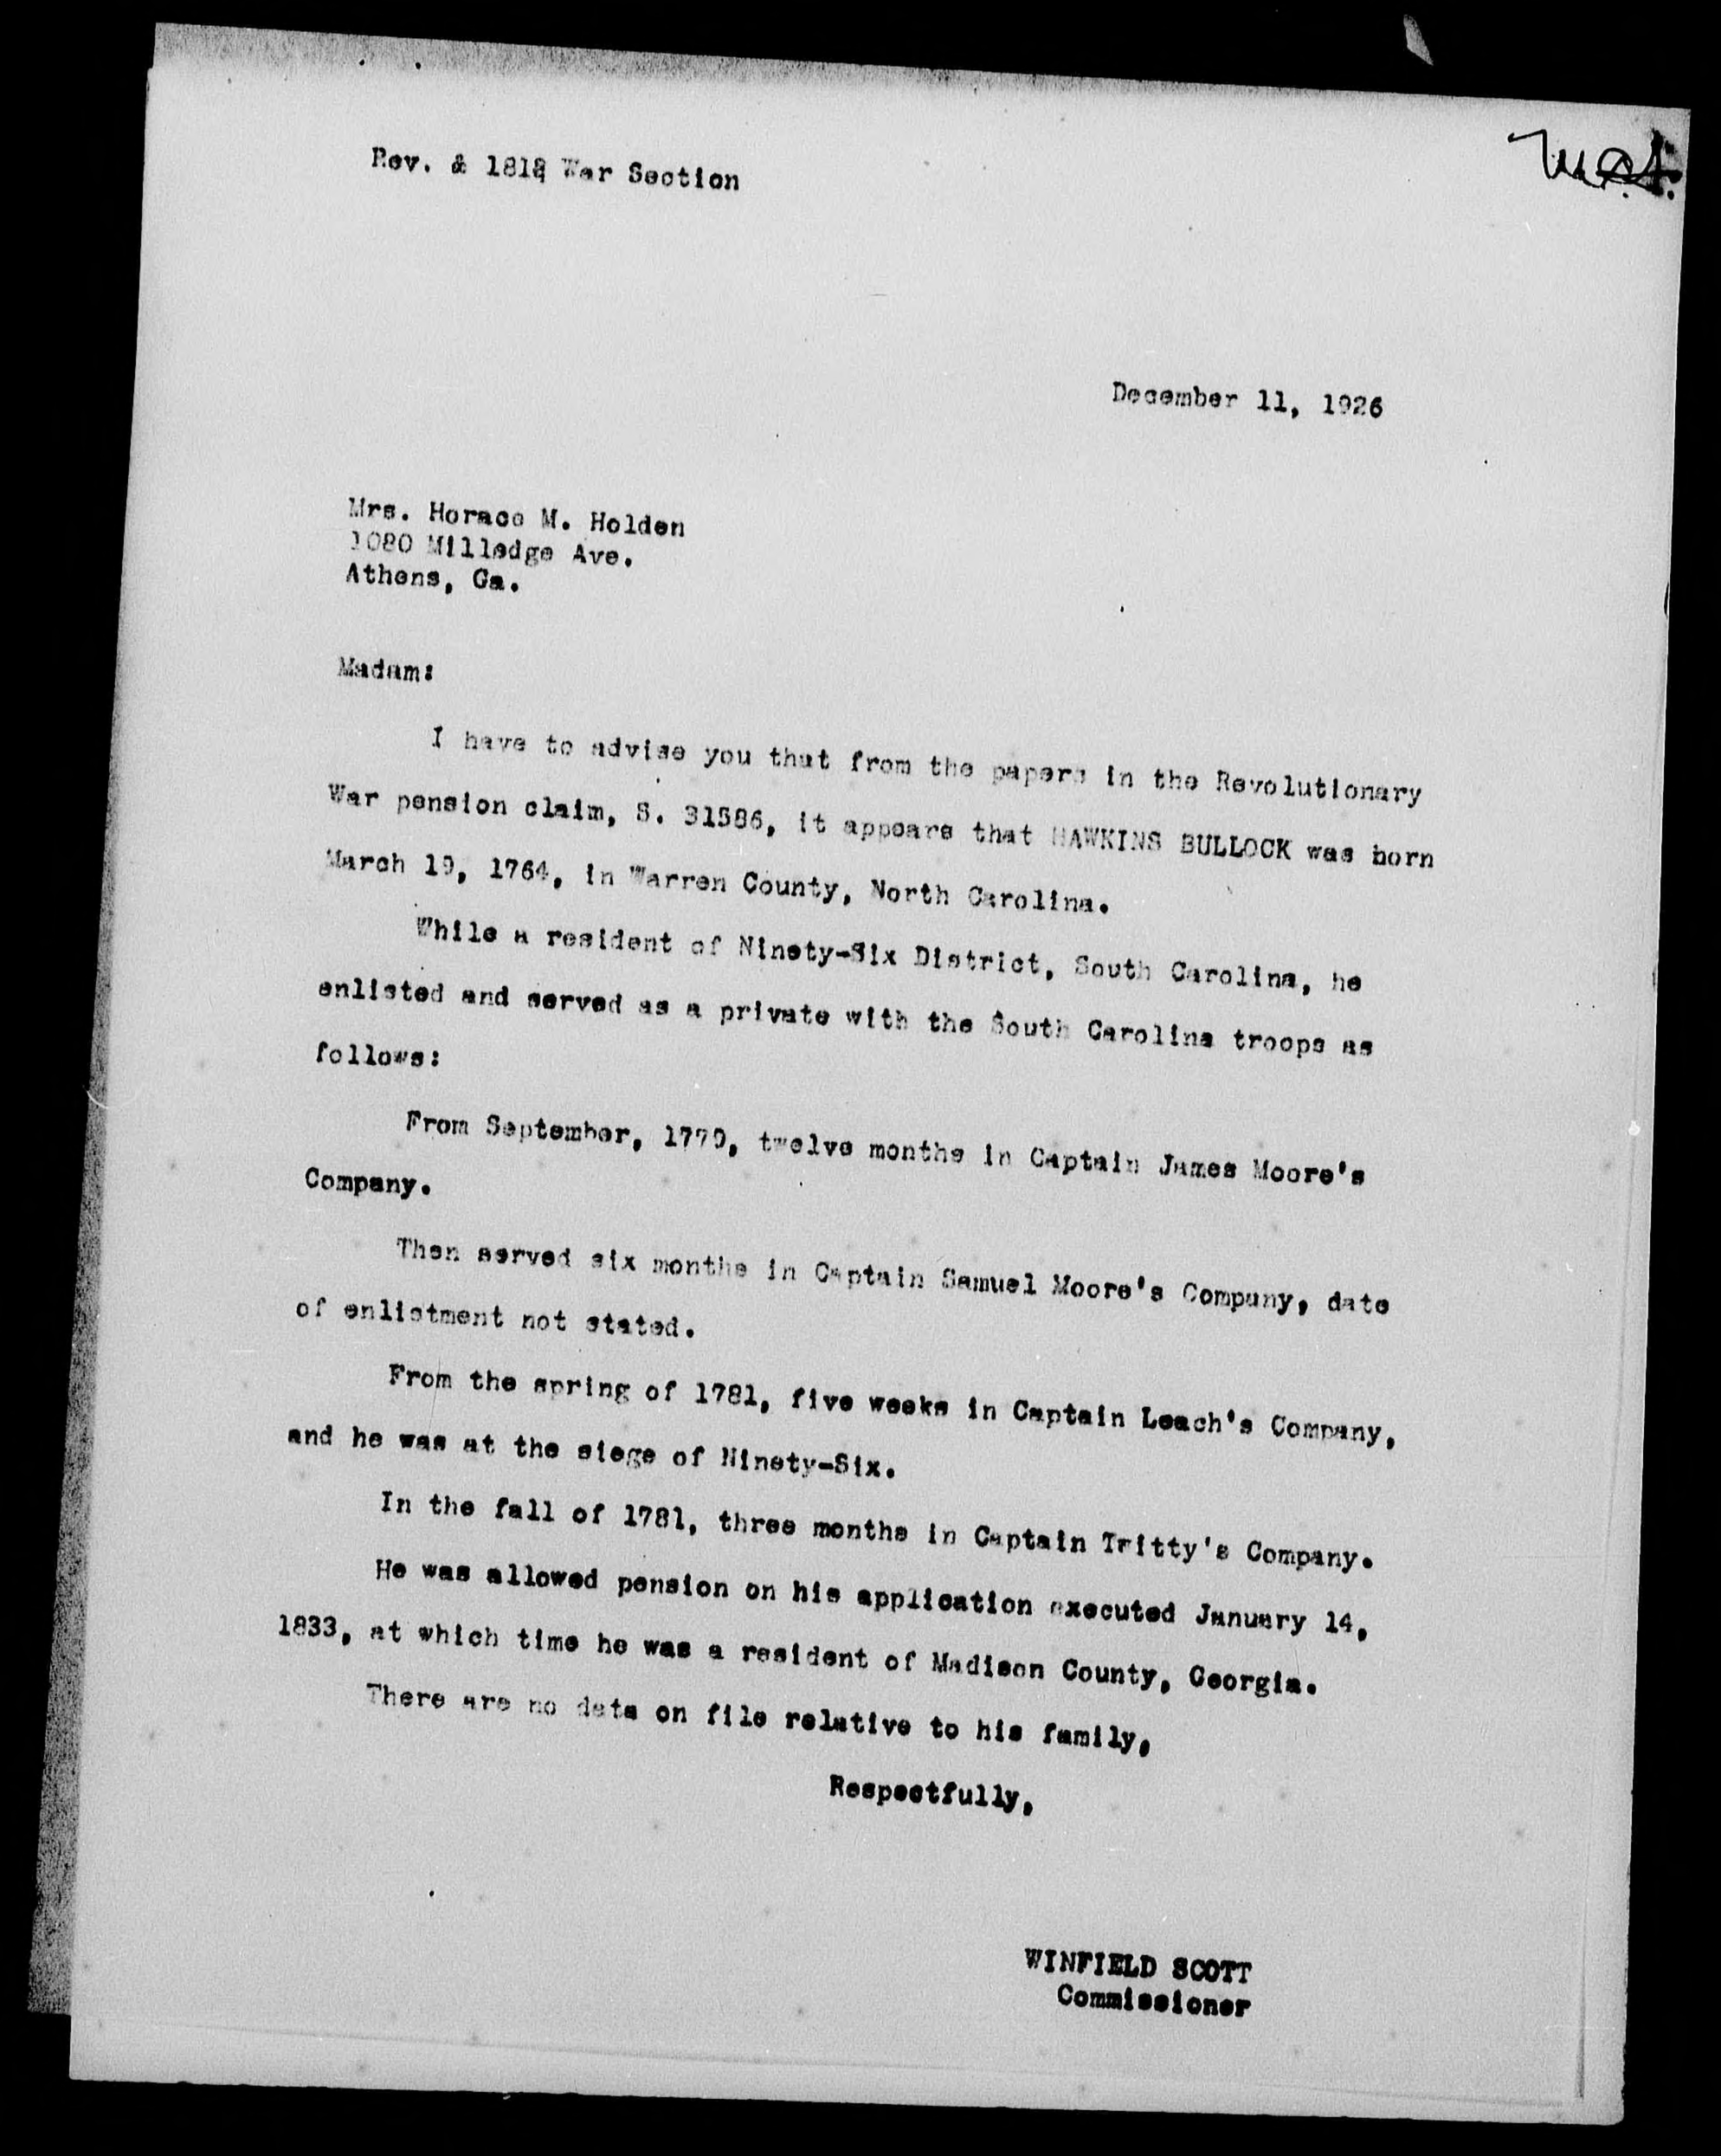M.C.S.
Rev. & 1812 War Section

December 11, 1926

Mrs. Horace M. Holden
1080 Milledge Ave,
Athens, Ga.

Madam:
I have to advise you that from the papers in the Revolutionary War pension claim, S. 31586, it appears that HAWKINS BULLOCK was born March 19, 1764, in Warren County, North Carolina.
While a resident of Ninety-Six District, South Carolina, he enlisted and served as a private with the South Carolina troops as follows:
From September, 1779, twelve months in Captain James Moore's Company.
Then served six months in Captain Samuel Moore's Company, date of enlistment not stated.
From the spring of 1781, five weeks in Captain Leach's Company, and he was at the siege of Ninety-six.
In the fall of 1781, three months in Captain Twitty's Company.
He was allowed pension on his application executed January 14, 1833, at which time he was a resident of Madison County, Georgia.
There are no data on file relative to his family.
Respectfully,
WINFIELD SCOTT
Commissioner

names: Winfield Scott, Horace M Holden, Hawkins Bullock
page: 22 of 24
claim: survivor's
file: S. 31,586, Hawkins Bullock, S.C.